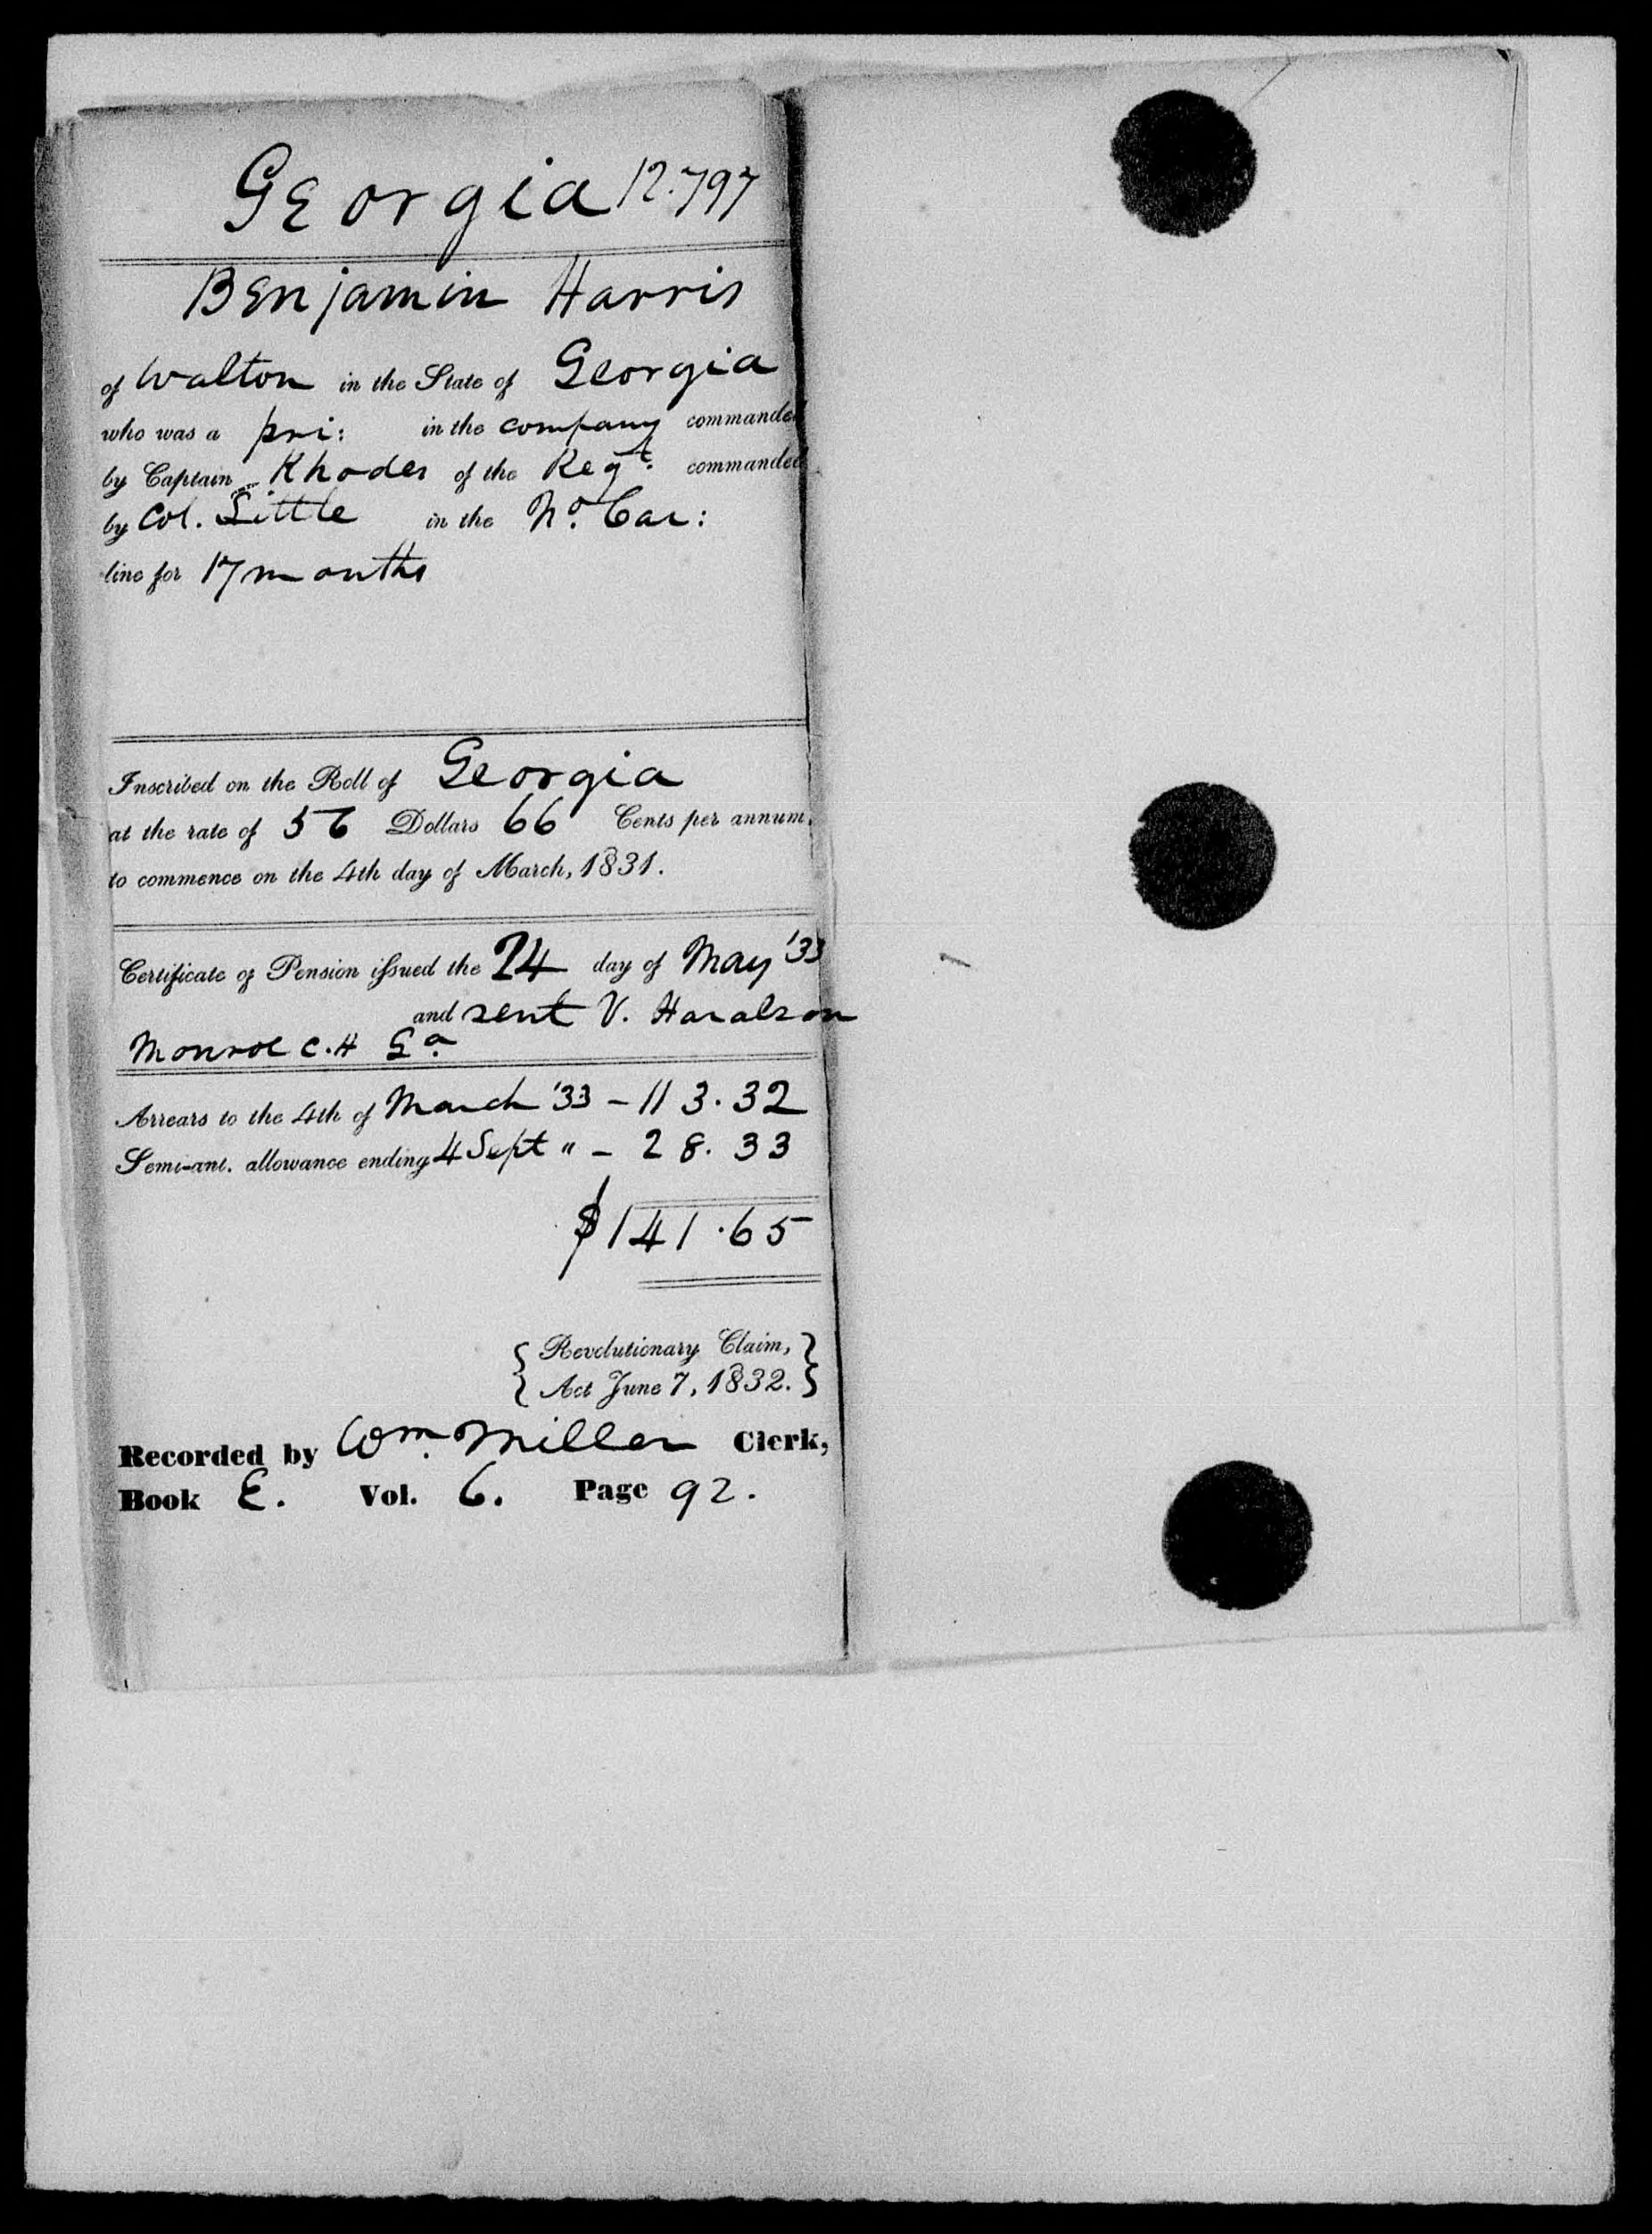Georged 12797 
Benjamin Harris of Walton in the State of Georgia who was a pri in the company commanded by Captain Rhodes of the Regt commanded by Col. Little in the No Car: line for 17 months 

Inscribed on the Roll of Georgia at the rate of 56 Dollars 66 Cents per annum to commence on the 4th day of March, 1831. 

Certificate of Pension issued the 24 day of May'33  and sent V. Haralson Monroe C.H. Ga 

Arrears to the 4th of March '33 - 113.32 Semi-anl. allowance ending 4 Sept " - 28.33 
========
$141.65 
========

{Revolutionary Claim, Act June 7, 1832}
Recorded by Wm Miller Clerk
Book E.  Vol. 4 Page 92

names: V Haralson, Benjamin Harris, Little, Wm Miller, Rhodes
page: 12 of 62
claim: survivor's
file: S. 38816, Benjamin Harris, Mass.